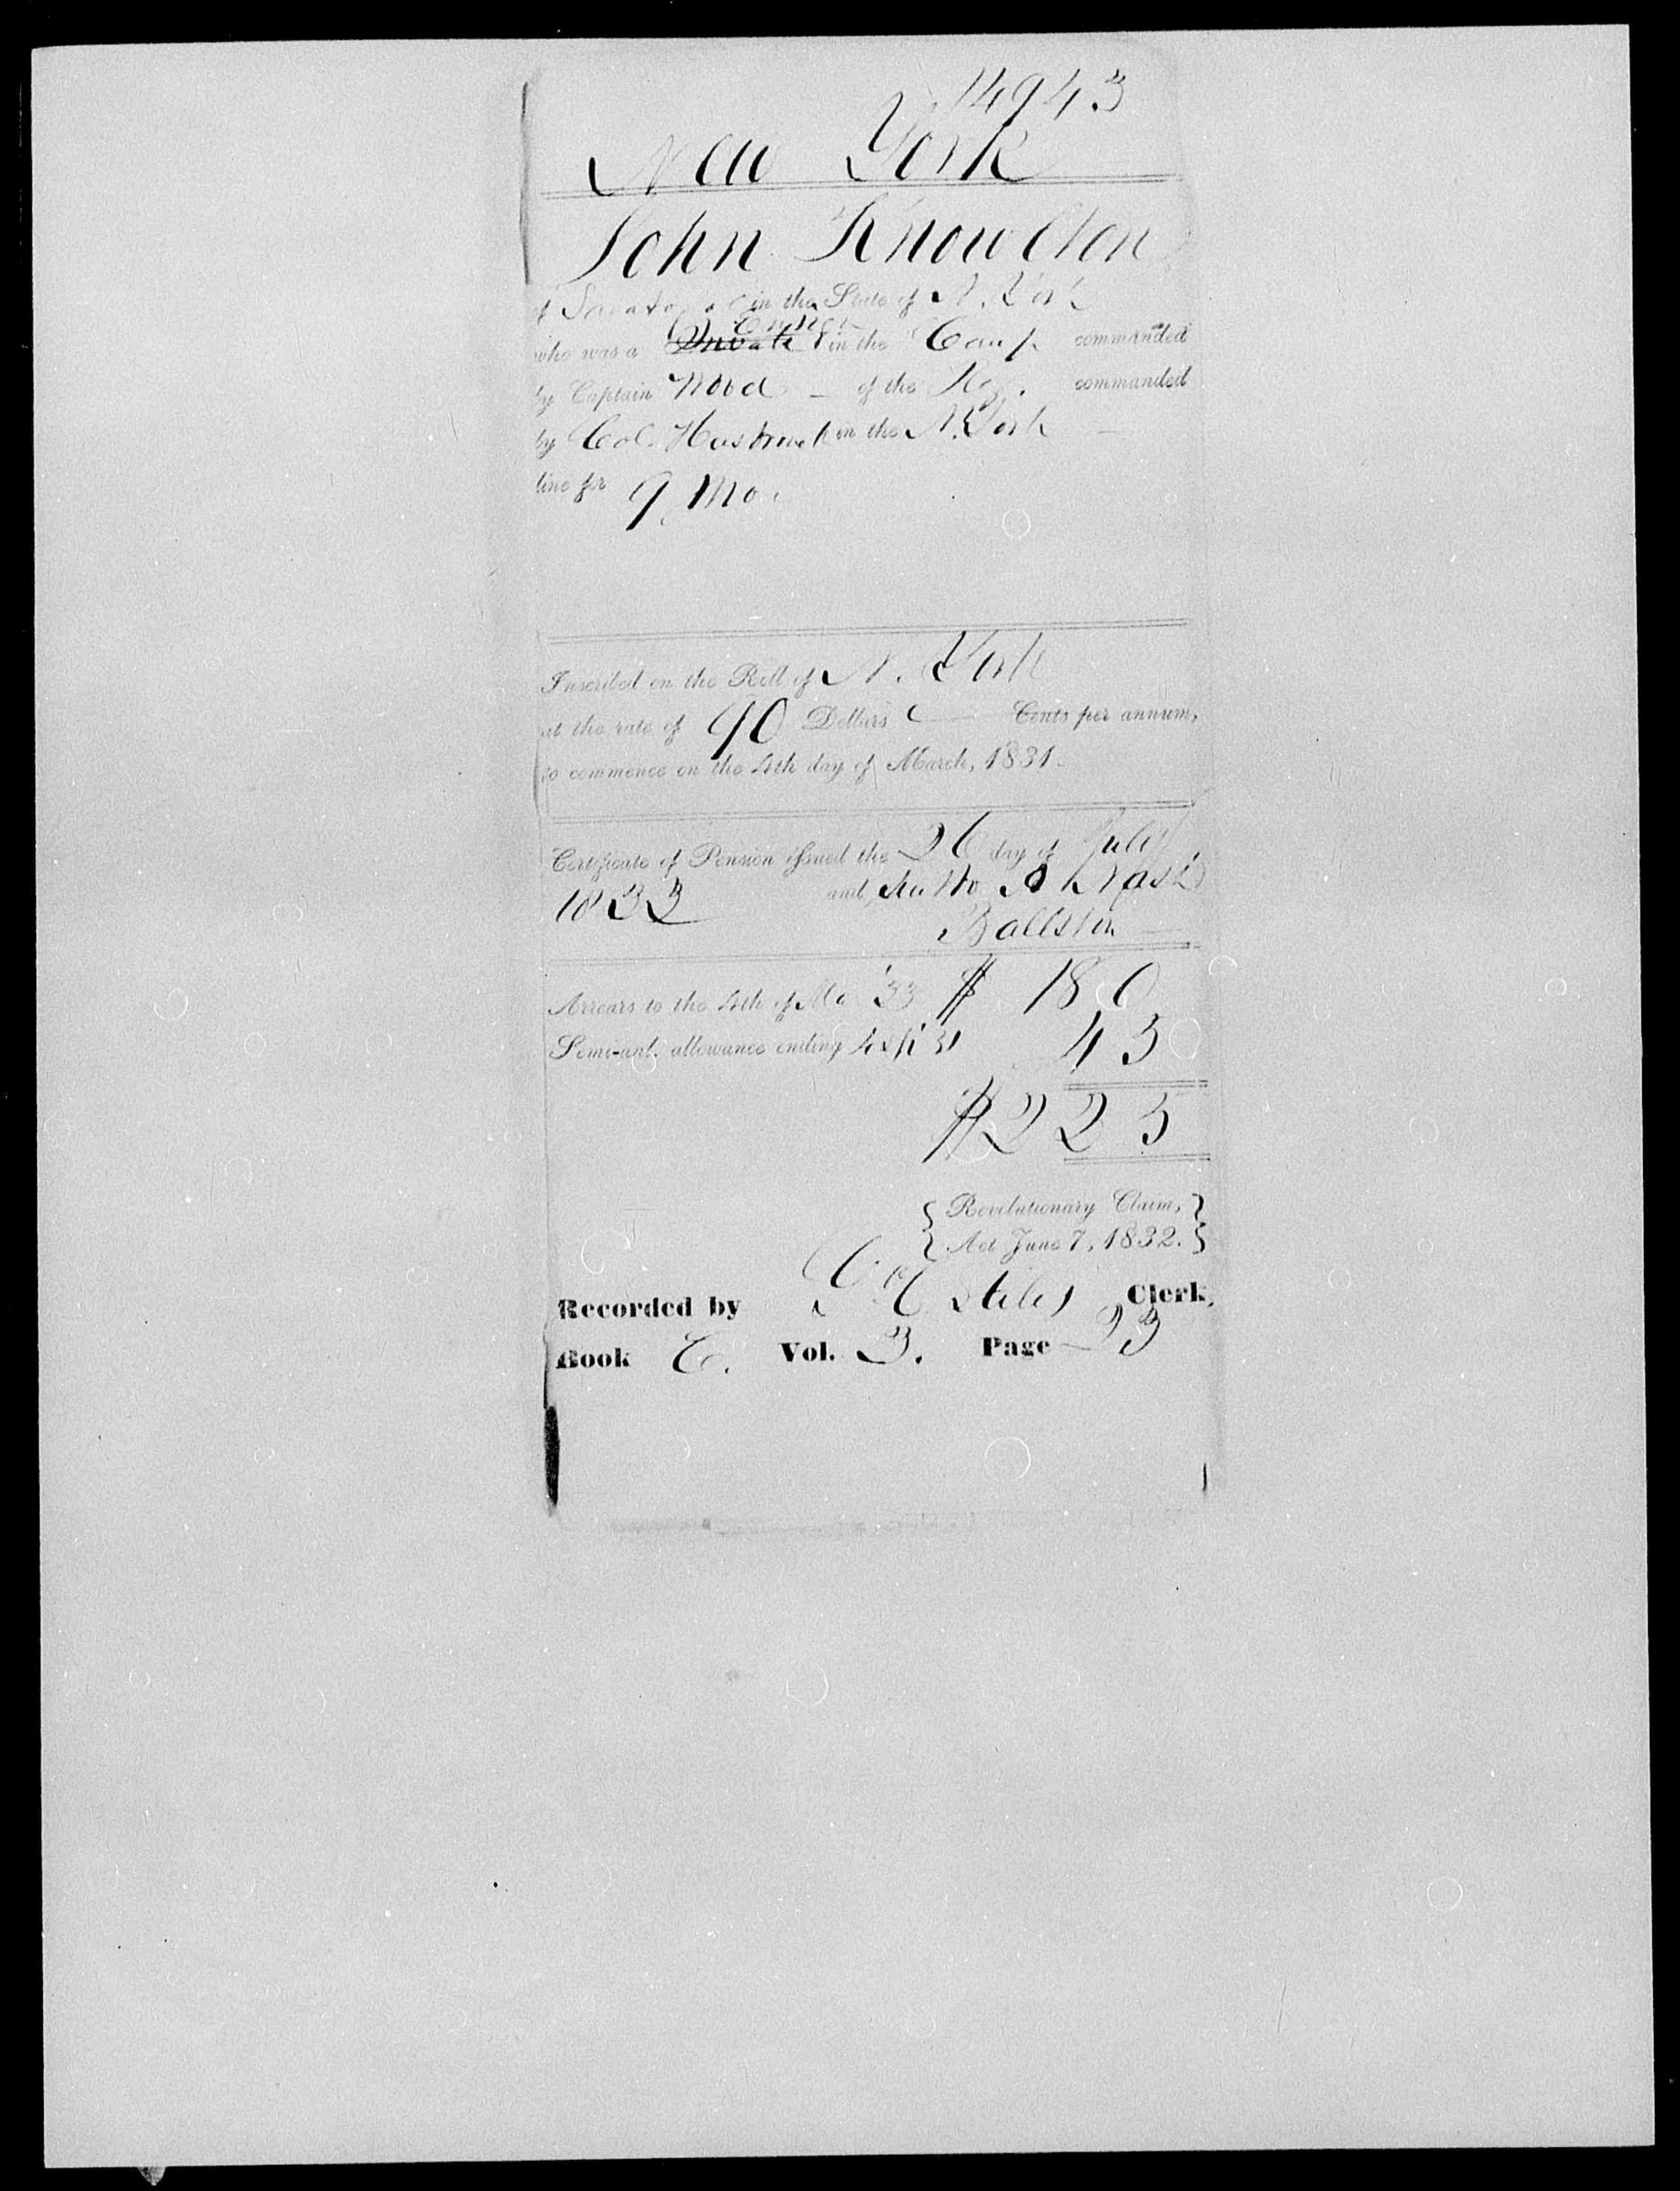14943
New York
===================
John Knowlton of Saratoga in the State of N. Yorkwho was a Ensign[?] in the  Comp commanded by Capt Wood of the Reg. commanded by Col. Huswink in the N. York line for 9 Mo
==================
Inscribed on the Roll of N. York the rate of 90 Dollars per annum, to commence on the 4th day of March, 1831.
======================
Certificate of Pension issued the 26 day of July 1833 and Sent to [illegible]  Ballston
=====================
Arrears to the 4th of Mar '33 $180
Semi-anl. allowance ending [illegible]
43
=====
$223
Revolutionary Claim,
Act June 7, 1832.

Recorded by G. Stiles Clerk, 
Book E[?]Vol. 3.  Page 23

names: [BLANK] Huswick; John Knowlton; A Nash; Geo C Stiles; [BLANK] Wood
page: 3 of 25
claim: survivor's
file: S. 13668, for John Knowlton, New York